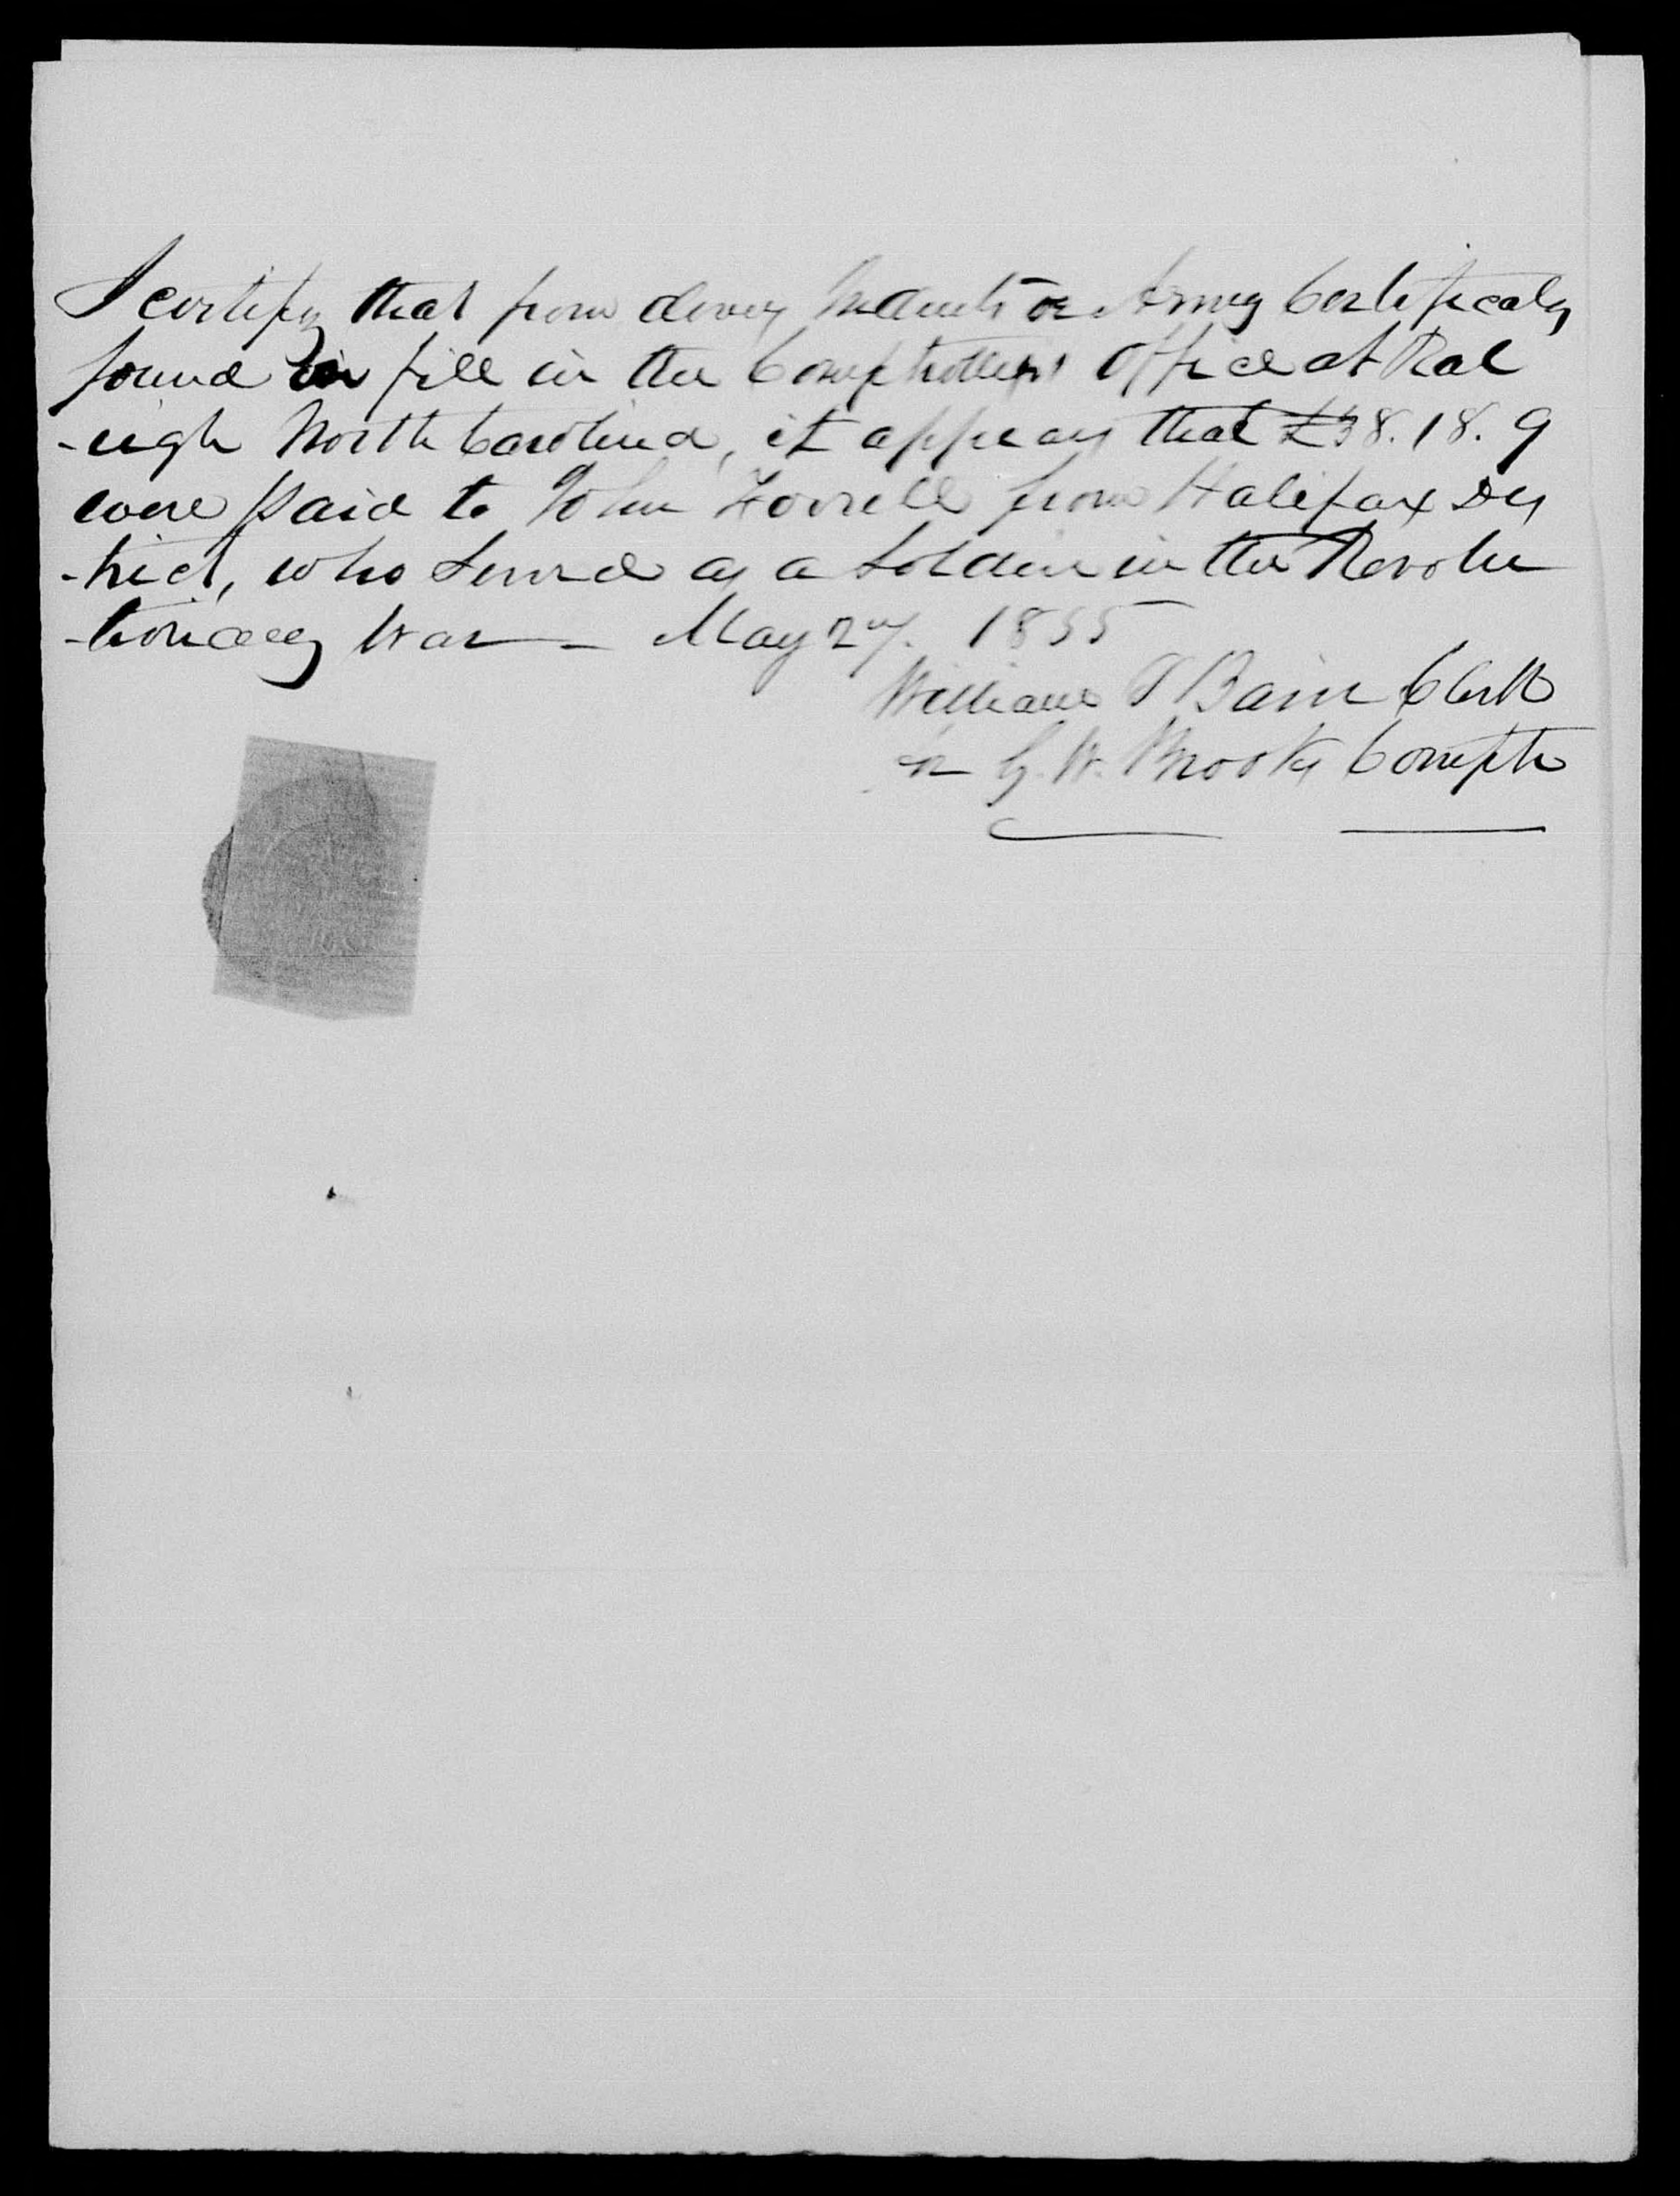I certify that from diver :illegible: or Army Certificate found in fill is the :illegible: Office of Raleigh North Carolina if applicant that L38.18.9 lone paid to John Ferrell from Halifax :illegible: who served as a solider in the Revolutionary War. May 27, 1855
William J Bain C Clerk
N GW Brooks :illegible:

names: John Ferrell, G W Brooks, William T Bain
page: 30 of 52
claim: rejected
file: R. 3,512, John Ferrell, N.C.